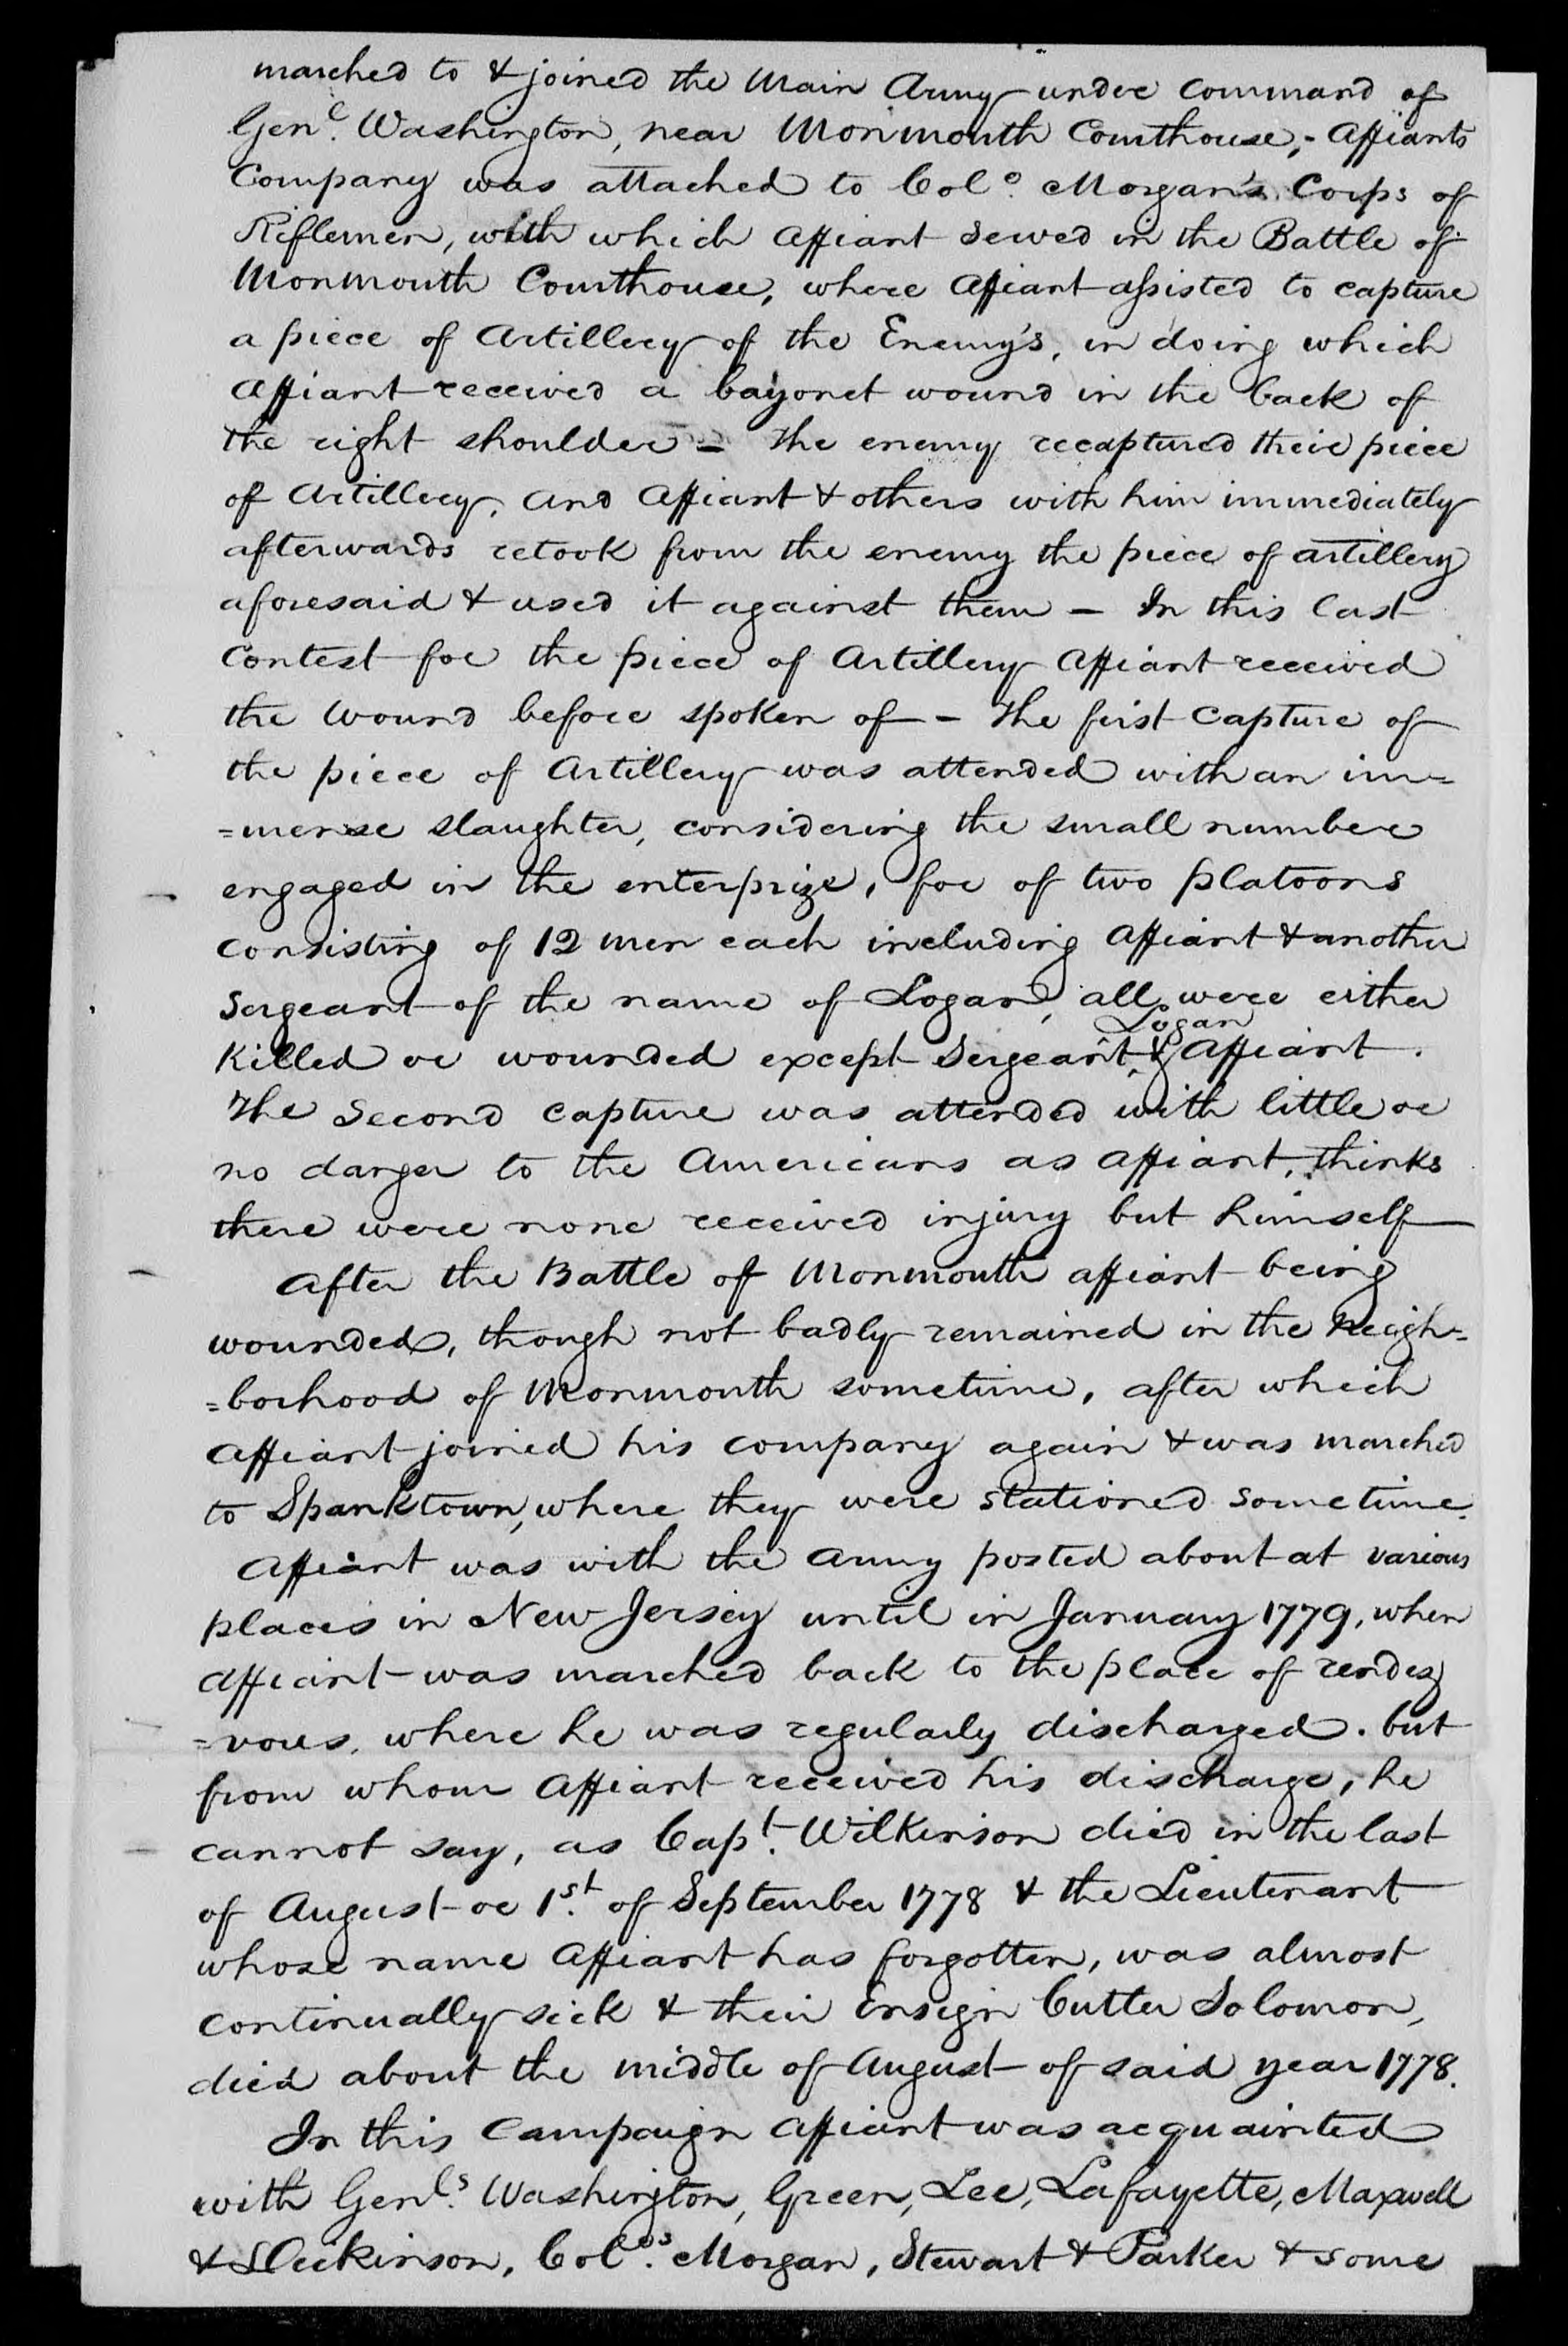marched to and joined the main army under command of Gen Washington, near Monmouth Courthouse - affiants company was attached to Col. Morgan's corps of Riflemen with which affiant served in the battle of Monmouth Courthouse, where affiant assisted to capture a piece of artillery of the enemy's in doing which affiant received a bayonet wound in the back of the right shoulder - the enemy recaptured their piece of artillery and affiant & others with him immediately afterwards retook from the enemy the piece of artillery aforesaid & used it against them - in this last contest for the piece of artillery affiant received the wound before spoken of - the first capture of the piece of artillery was attended with an immense slaughter considering the small numbers engaged in the enterprise, for of two platoons consisting of 12 men each including affiant & another sergeant of the name of Logan all were either killed or wounded except Sergeant Logan and affiant. The second capture was attended with little or no danger to the Americans as affiant thinks there were none received injury but himself.

After the battle of Monmouth affiant being wounded though not badly remained in the neighborhood of Monmouth sometime after which affiant joined his company again & was marched to Spanktown where they were stationed sometime. Affiant was with the army posted about at various places in New Jersey until in January 1779 when affiant was marched back to the place of rendezvous where he was regularly discharged but from whom affiant received his discharge he cannot say as Capt. Wilkinson died in the last of August or 1st of September 1778 & the Lieutenant whose name affiant has forgotten was almost continually sick & their Ensign Cutter Solomon died about the middle of August - of said year 1778.

In this campaign affiant was acquainted with Gen Washington, Green, Lee, Lafeyette, Maxwell & Dickinson, Col. Morgan, Stewart & Parker & some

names: Dickinson, Logan, Logan, Stewart, Cutler Solomon, Green, Maxwell, Parker, Wilkinson, Morgan, Washington, Washington, Lee, Lafayette, Morgan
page: 4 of 35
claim: rejected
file: R. 2066, William Clutter, New Jersey